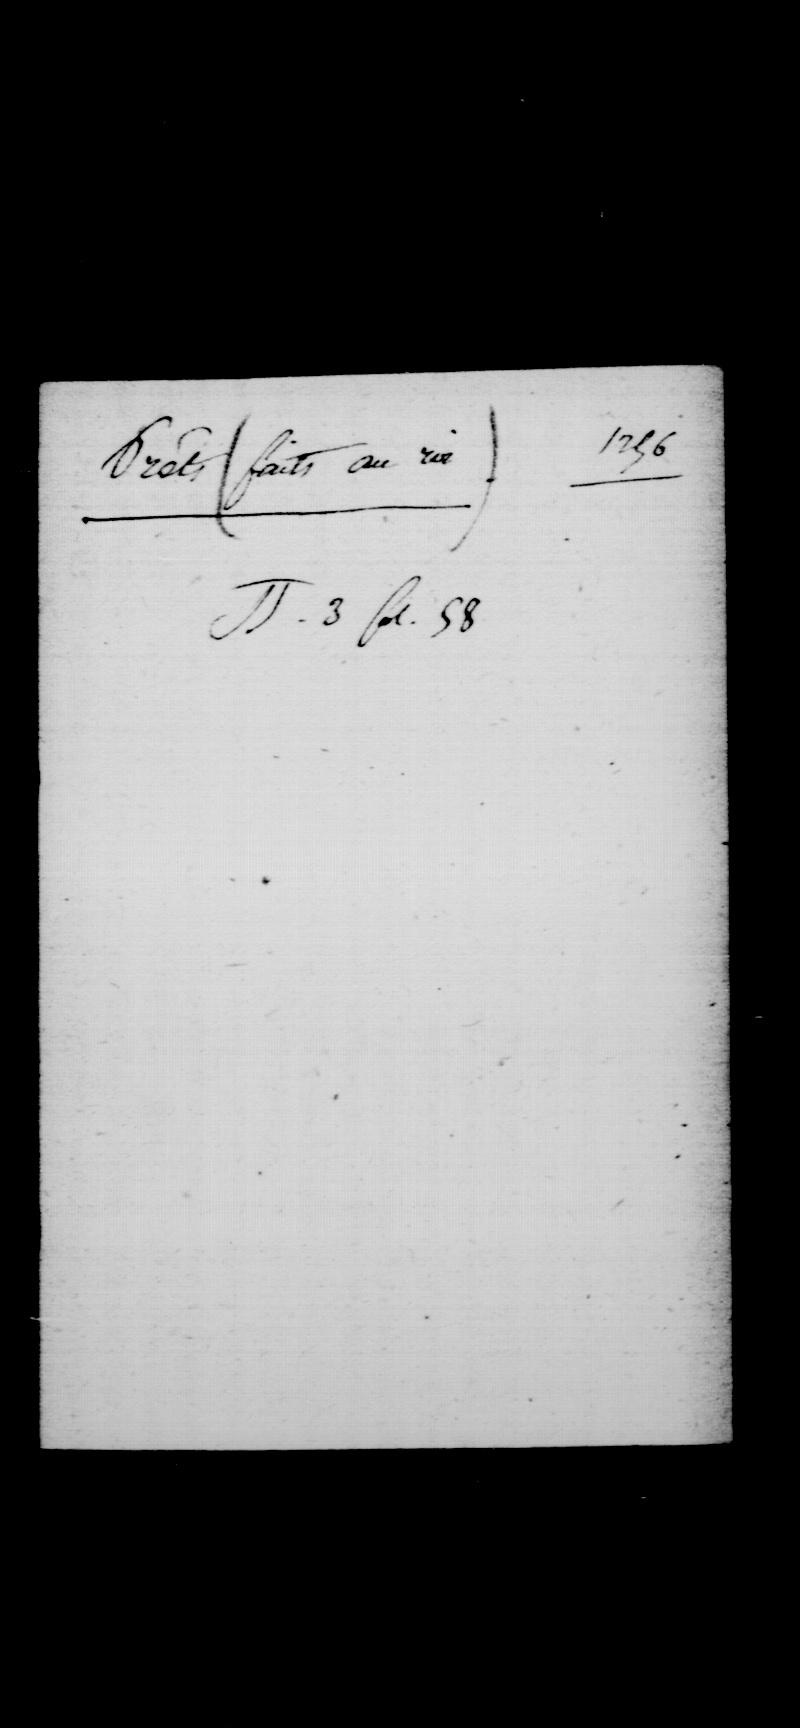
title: Prêts (faits au roi)
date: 1256
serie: JJ
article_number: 3
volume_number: fol. 58
